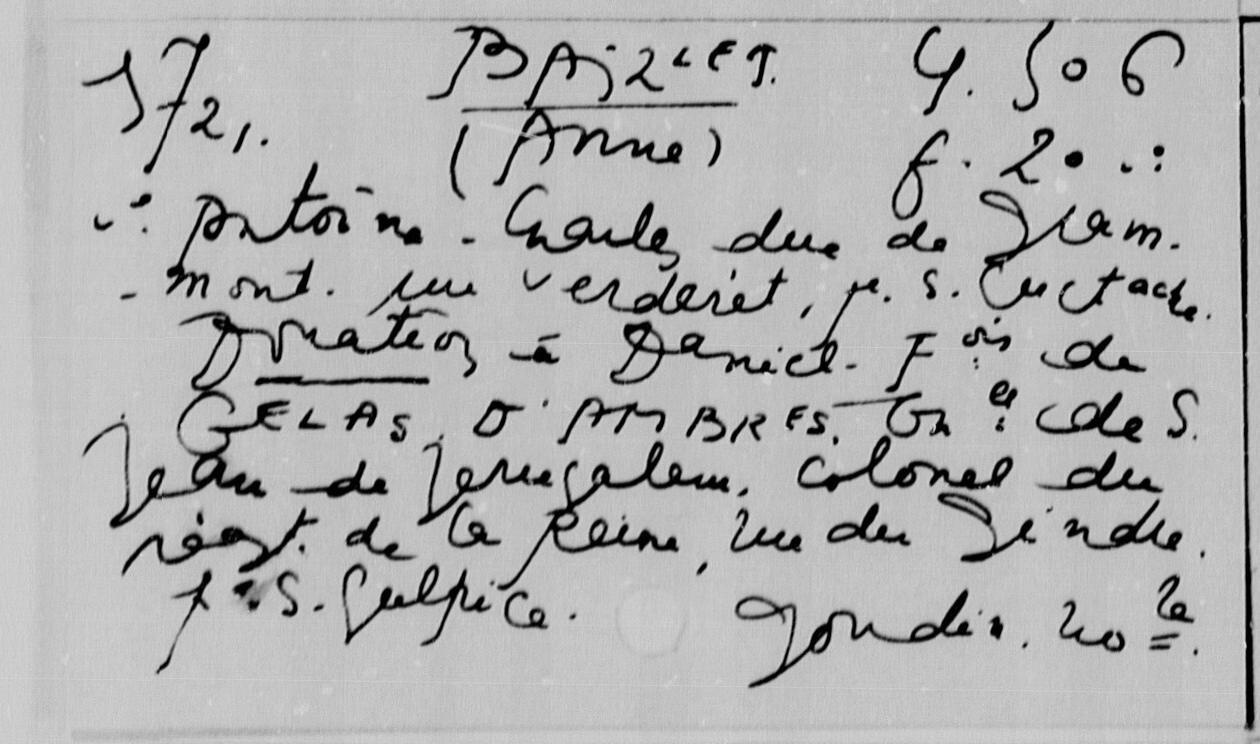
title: BAILLET (Anne)
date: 1721
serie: Y
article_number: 306
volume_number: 20v
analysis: Veuve Antoine-Charles, duc de Grammont, rue Verderet, paroisse Saint-Eustache Donation à Daniel-François de Gelas d'Ambres, ordre de Saint-Jean de Jérusalem, colonel du régiment de la Reine, rue du Gindre, paroisse Saint-Sulpice Goudin, notaire
